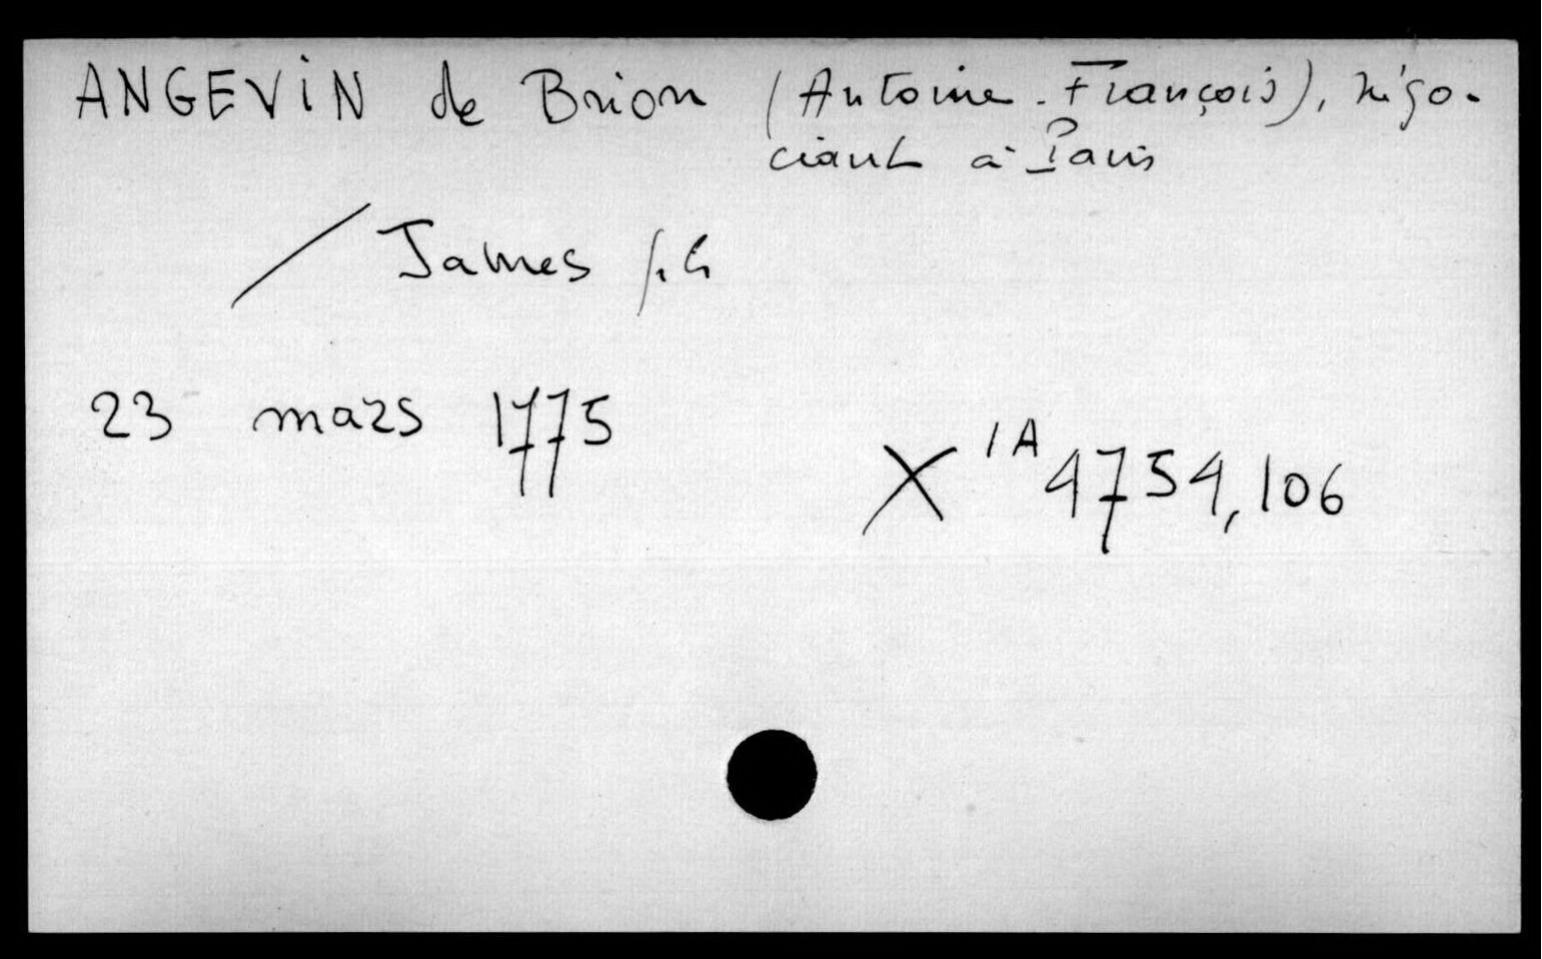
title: ANGEVIN de Brion (Antoine-François), négociant à Paris
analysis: Contre James fils
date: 23 mars 1775
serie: X1A
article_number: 4754
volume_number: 106
